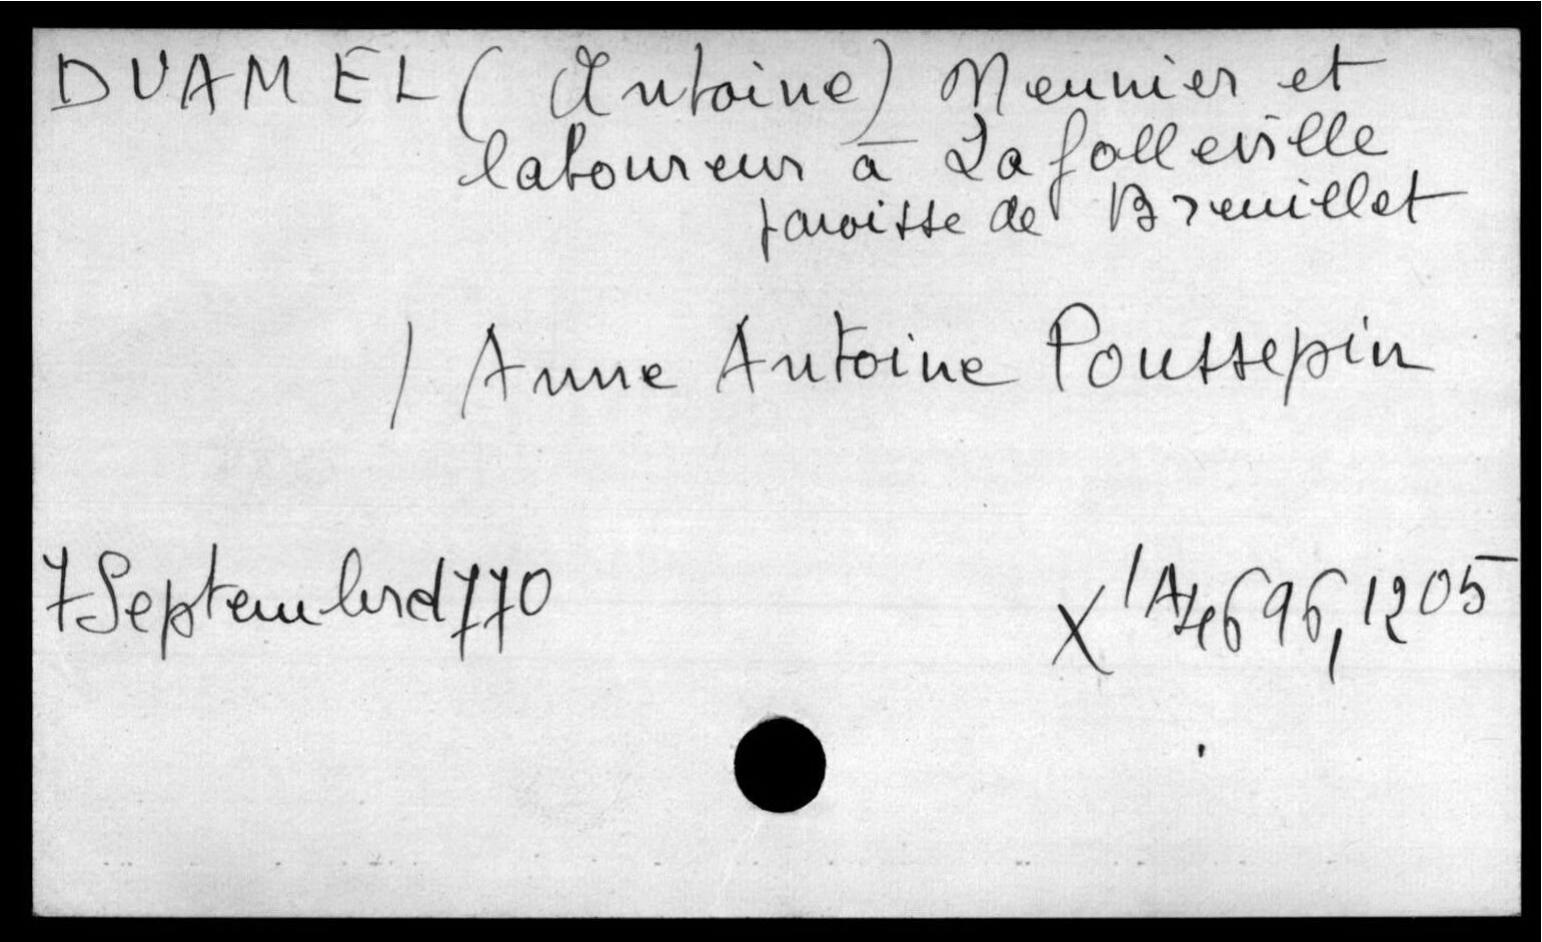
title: DUAMEL (Antoine) Meunier et laboureur à La folleville paroisse de Breuillet
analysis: Contre Anne Antoine Poussepin
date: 7 septembre 1770
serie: X1A
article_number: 4696
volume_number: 1205
